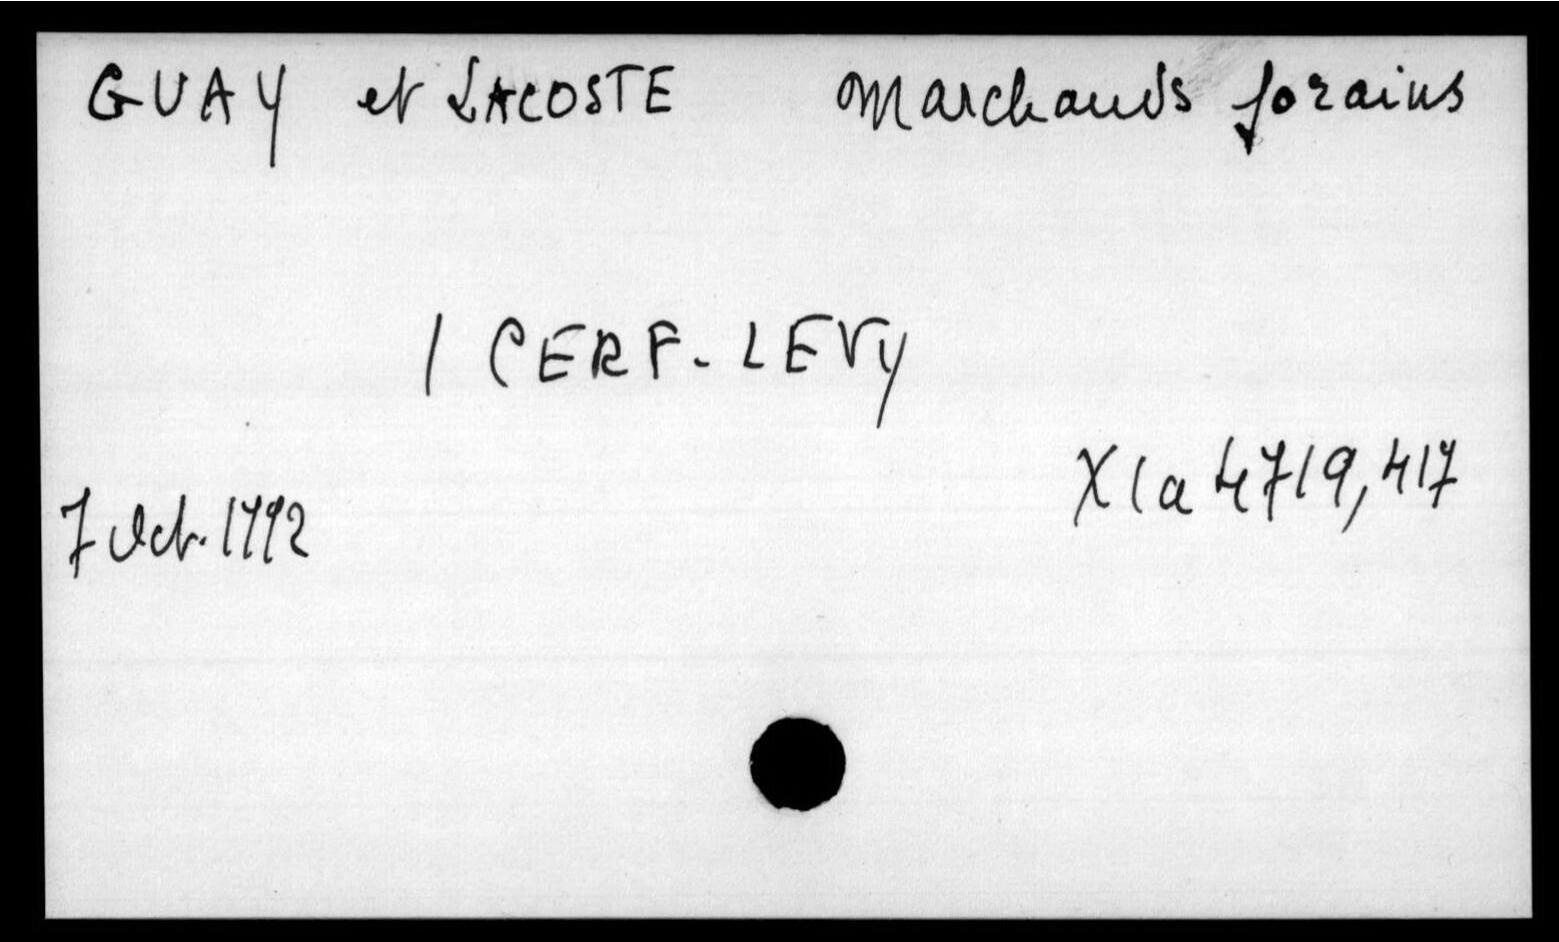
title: GUAY et LACoSTE Marchands jorains
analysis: Contre CERF-LEVY
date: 7 octobre 1772
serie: X1a
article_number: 4719
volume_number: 417
